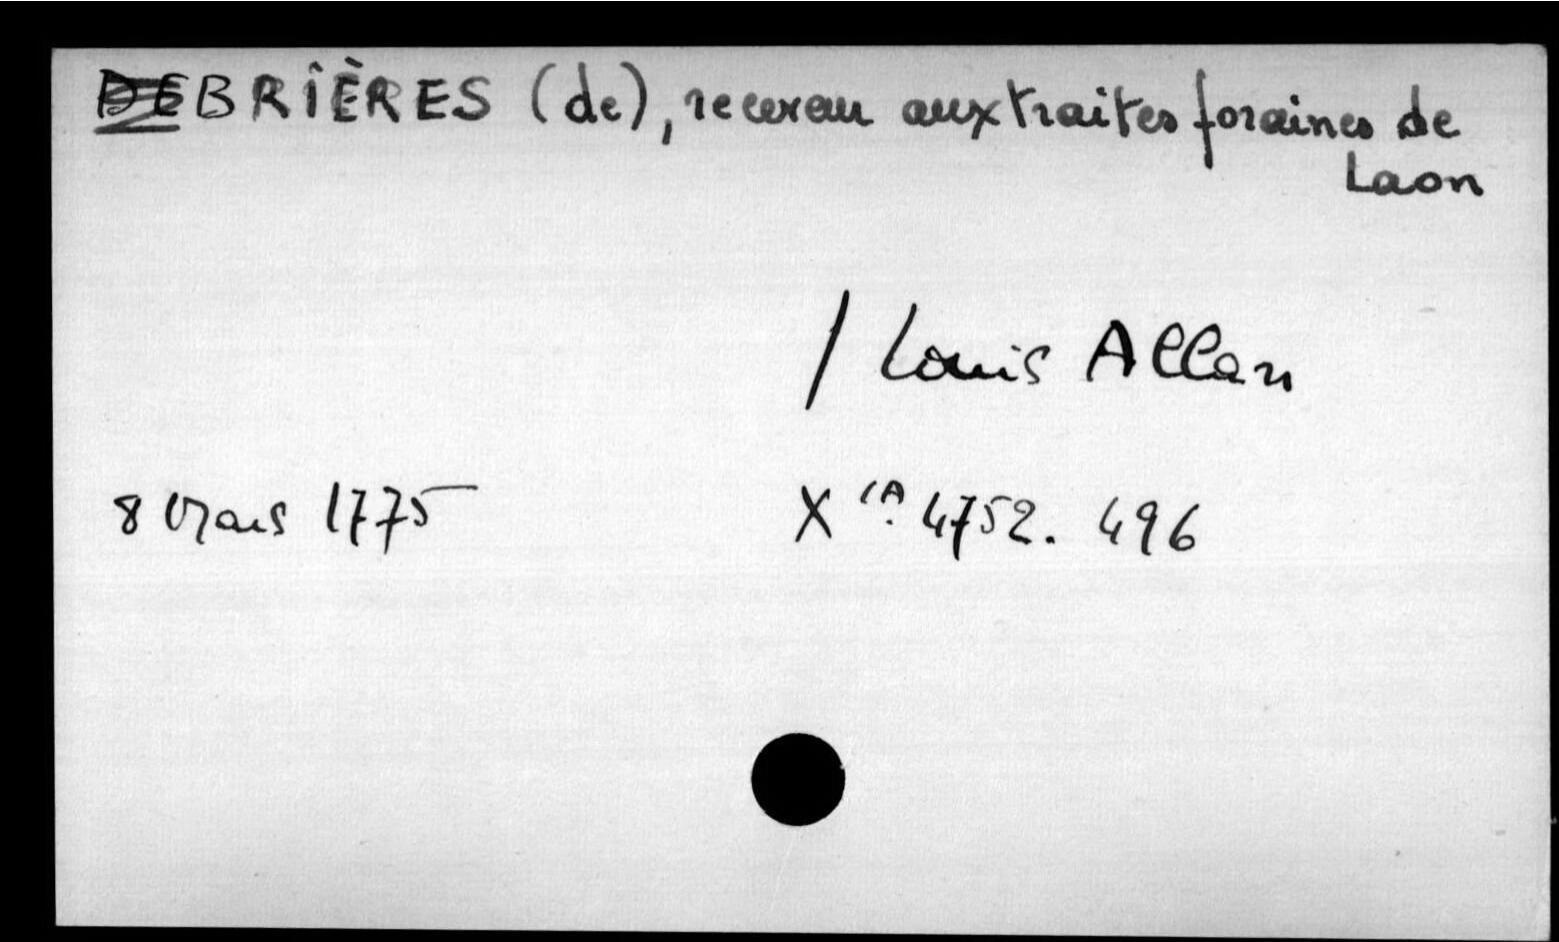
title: BRIERES (de), receveur aux traites foraines de Laon
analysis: Contre Louis Alleu
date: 8 mars 1775
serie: X1A
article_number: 4752
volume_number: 496
